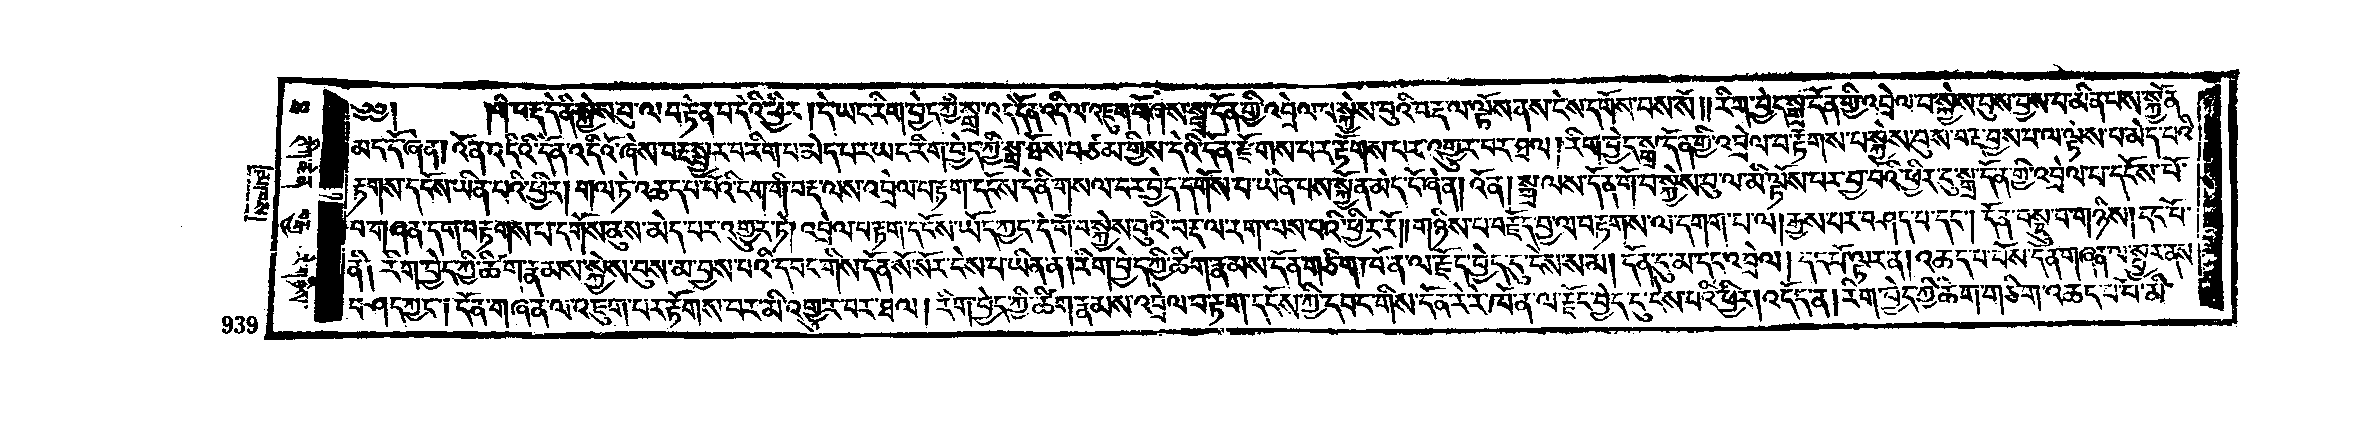༄༅། །གི་བརྡ་དེ་ནི་སྐྱེས་བུ་ལ་བརྟེན་པ་དེའི་ཕྱིར། དེ་ཡང་རིག་བྱེད་ཀྱི་སྒྲ་འདེ་དོན་འདི་ལ་འཇུག་གོ་ཞེས་སྒྲ་དོན་གྱི་འབྲེལ་པ་སྐྱེས་བུའི་བརྡ་ལ་ལྟོས་ནས་ངེས་དགོས་པས་སོ། །རིག་བྱེད་སྒྲ་དོན་གྱི་འབྲེལ་བ་སྐྱེས་བུས་བྱས་པ་མིན་པས་སྐྱོན་
མེད་དོ་ཞེ་ན། འོ་ན་འདིའི་དོན་འདིའོ་ཞེས་བརྡ་སྦྱར་བ་རིག་པ་མེད་པར་ཡང་རིག་བྱེད་ཀྱི་སྒྲ་ཐོས་པ་ཙམ་གྱིས་དེའི་དོན་རྫོགས་པར་རྟོགས་པར་འགྱུར་པར་ཐལ། རིག་བྱེད་སྒྲ་དོན་གྱི་འབྲེལ་བ་རྟོགས་པ་སྐྱེས་བུས་བརྡ་བྱས་པ་ལ་ལྟོས་པ་མེད་པའི་
རྟགས་དངོས་ཡིན་པའི་ཕྱིར། གལ་ཏེ་འཆད་པ་པོའི་ངག་གི་བརྡ་ལས་འབྲེལ་པ་རྟག་དངོས་དེ་ནི་གསལ་བར་བྱེད་དགོས་པ་ཡིན་པས་སྐྱོན་མེད་དོ་ཞེ་ན། འོ་ན། སྒྲ་ལས་དོན་གོ་བ་སྐྱེས་བུ་ལ་མི་ལྟོས་པར་བྱ་བའི་ཕྱིར་དུ་སྒྲ་དོན་གྱི་འབྲེལ་བ་དངོས་པོ་
བ་གཞན་དག་བརྟགས་པ་དགོས་ནུས་མེད་པར་འགྱུར་ཏེ། འབྲེལ་བ་རྟག་དངོས་ཡོད་ཀྱང་དེ་གོ་བ་སྐྱེས་བུའི་བརྡ་ལ་རག་ལས་པའི་ཕྱིར་རོ། །གཉིས་པ་བརྗོད་བྱ་ལ་བརྟགས་ལ་དགག་པ་ལ། རྒྱས་པར་བཤད་པ་དང་། དོན་བསུད་བ་གཉིས། དང་པོ་
ནི། རིག་བྱེད་ཀྱི་ཚིག་རྣམས་སྐྱེས་བུས་མ་བྱས་པའི་དབང་གིས་དོན་སོ་སོར་ངེས་པ་ཡིན་ན། རིག་བྱེད་ཀྱི་ཚིག་རྣམས་དོན་གཅིག་ཁོ་ན་ལ་རྗོད་བྱེད་དུ་ངེས་སམ། དོན་དུ་མ་དང་འབྲེལ། དང་པོ་ལྟར་ན། འཆད་པ་པོས་དོན་གཞན་ལ་སྦྱར་ནས་
བཤད་ཀྱང་། དོན་གཞན་ལ་འཇུག་པར་རྟོགས་པར་མི་འགྱུར་བར་ཐལ། རིག་བྱེད་ཀྱི་ཚིག་རྣམས་འབྲེལ་བ་རྟག་དངོས་ཀྱི་དབང་གིས་དོན་རེ་རེ་ཁོ་ན་ལ་རྗོད་བྱེད་དུ་ངེས་པའི་ཕྱིར། འདོད་ན། རིག་བྱེད་ཀྱི་ཚིག་གཅིག་འཆད་པ་པོ་མི་